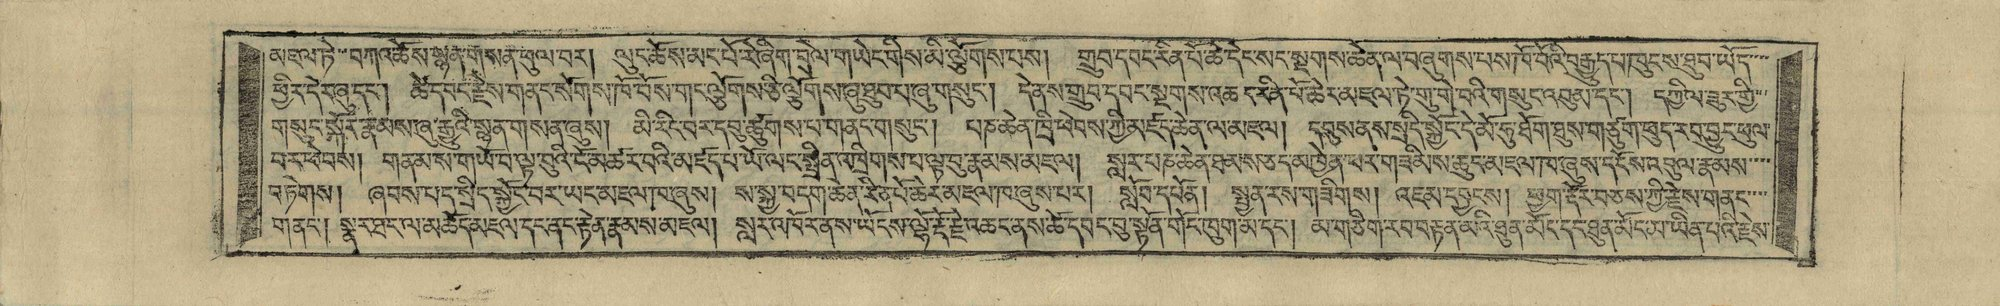མཇལ་ཏེ་བཀའ་ཆོས་སྙན་གསན་ཕུལ་བར། ལུང་ཆོས་མང་པོ་རེ་ཞིག་བྲེལ་གཡེང་གིས་མི་ལྕོགས་པས། གྲུབ་དབང་རིན་པོ་ཆེ་དེང་སང་སྔགས་ཆེན་ལ་བཞུགས་པས་ཁོ་བོའི་བརྒྱུད་པ་ཁུངས་ཐུབ་ཡོད་
ཕྱིར་དེར་ཞུ་དང་། ཚེ་དབང་རྗེས་གནང་སོགས་ཁོ་བོས་གང་ལྕོགས་ཅི་ལྕོགས་ཞུ་ཐུབ་པ་ཞུ་གསུང་། དེ་ནས་གྲུབ་དབང་སྔགས་འཆང་རིན་པོ་ཆེར་མཇལ་ཏེ་གུ་གེ་བའི་གསུང་འབུམ་དང་། དཀྱིལ་ཟུར་གྱི་
གསུང་སྐོར་རྣམས་ཞུ་རྒྱུའི་སྙན་གསན་ཞུས། མི་རིང་བར་དབུ་ཚུགས་པ་གནང་གསུང་། པཎ་ཆེན་ཁྲི་ཕེབས་ཀྱི་མཛད་ཆེན་ལ་མཇལ། དབུས་ནས་སྲིད་སྐྱོང་དེ་མོ་ཧུ་ཐོག་ཐུས་གཙུག་ཕུད་རབ་བྱུང་ཕུལ་
བར་ཕེབས། གནམ་ས་གཡོ་བ་ལྟ་བུའི་ངོ་མཚར་བའི་མཛད་པ་ཡོ་ལང་སྤྲིན་འཁྲིགས་པ་ལྟ་བུ་རྣམས་མཇལ། སླར་པཎ་ཆེན་ཐམས་ཅད་མཁྱེན་པར་གཟིམས་ཆུང་མཇལ་ཁ་ཞུས་དངོས་འབུལ་རྣམས་
བཏེགས། ཞབས་པད་སྲིད་སྐྱོང་བར་ཡང་མཇལ་ཁ་ཞུས། ས་སྐྱ་བདག་ཆེན་རིན་པོ་ཆེར་མཇལ་ཁ་ཞུས་པར། སློབ་དཔོན། སྤྱན་རས་གཟིགས། འཇམ་དབྱངས། ཕྱག་རྡོར་བཅས་ཀྱི་རྗེས་གནང་
གནང་། སྣར་ཐང་ལ་མཆོད་མཇལ་དང་ནང་རྟེན་རྣམས་མཇལ། སླར་འཁོར་ནས་ཡོངས་ལྷོ་རྡོ་རྗེ་འཆང་ནས་ཚེ་དབང་བུ་སྟོན་གོང་ཁུག་མ་དང་། མ་གཅིག་རབ་བརྟན་མའི་ཐུན་མོང་དང་ཐུན་མོང་མ་ཡིན་པའི་རྗེས་